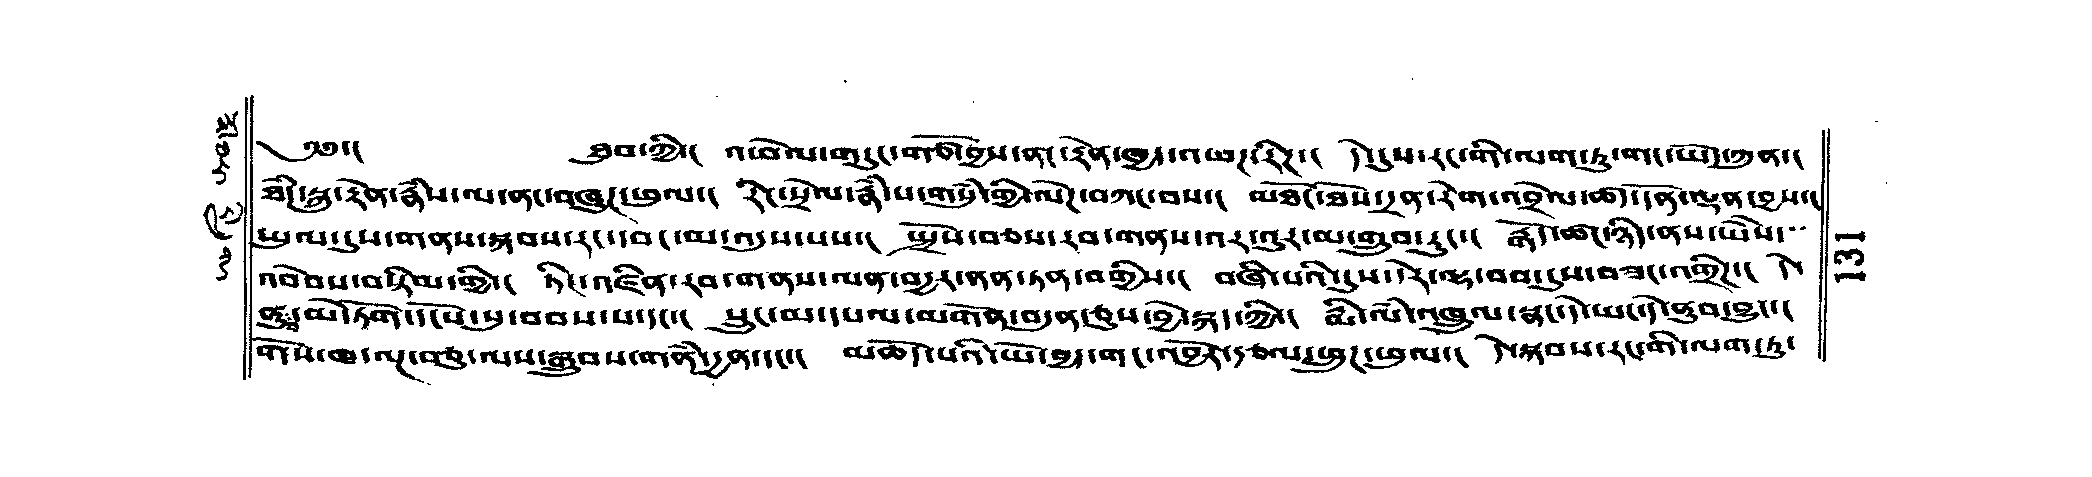ཐུབ་ཀྱི། །འཕེལ་གདུང་གཙོ་བྱས་ནང་རྟེན་ཁྱད་འཕགས་རིགས། །དེ་དུས་རང་གི་ལག་ཏུ་གང་ཡོད་ཀུན། །
ཐམས་ཅད་སྐུ་རྟེན་རྣམས་ལ་ནང་བཞུགས་ཕུལ། །རིང་སྲེལ་རྣམ་པ་གསུམ་གྱི་ལེགས་བཀང་བས། །མཐོང་ཐོས་དྲན་རེག་འབྲེལ་ཚད་དོན་ལྡན་བྱས། །
ཡུལ་དུས་གནས་སྐབས་རང་དབང་མ་འདུས་པས། །སྤྲོས་བཅས་རབ་གནས་འར་འུར་མ་གྲུབ་རུང་། །རྒོད་ཚང་ཉིད་ནས་ཡེ་ཤེས་
འབེབས་བསྟིམ་གྱི། །ཏིང་འཛིན་རབ་གནས་ལན་བརྒྱར་ནན་ཏན་གྱིས། །བཞི་པའི་དུས་དེར་ལྷ་བབས་དུས་བཟང་འགྲིགས། །དེ་
ནུབ་མེ་ཏོག་དངོས་སུ་བབས་པ་དང་། །སྲུང་མ་དཔལ་མགོན་བདུན་ཅུས་བྱེད་སྐད་ཀྱི། །རྨི་ལམ་འཁྲུལ་སྣང་དེ་ཡང་དེ་ནུབ་བྱུང་། །
གོས་ཁ་ལྔ་བཅུ་ལས་སྒྲུབས་གནམ་རྒྱན་དང་། །མཆོད་པའི་ཡོ་བྱད་གང་འབྱོར་རྩལ་ཕྲུགས་ཕུལ། །དེ་སྐབས་རང་གི་ལག་ཏུ་